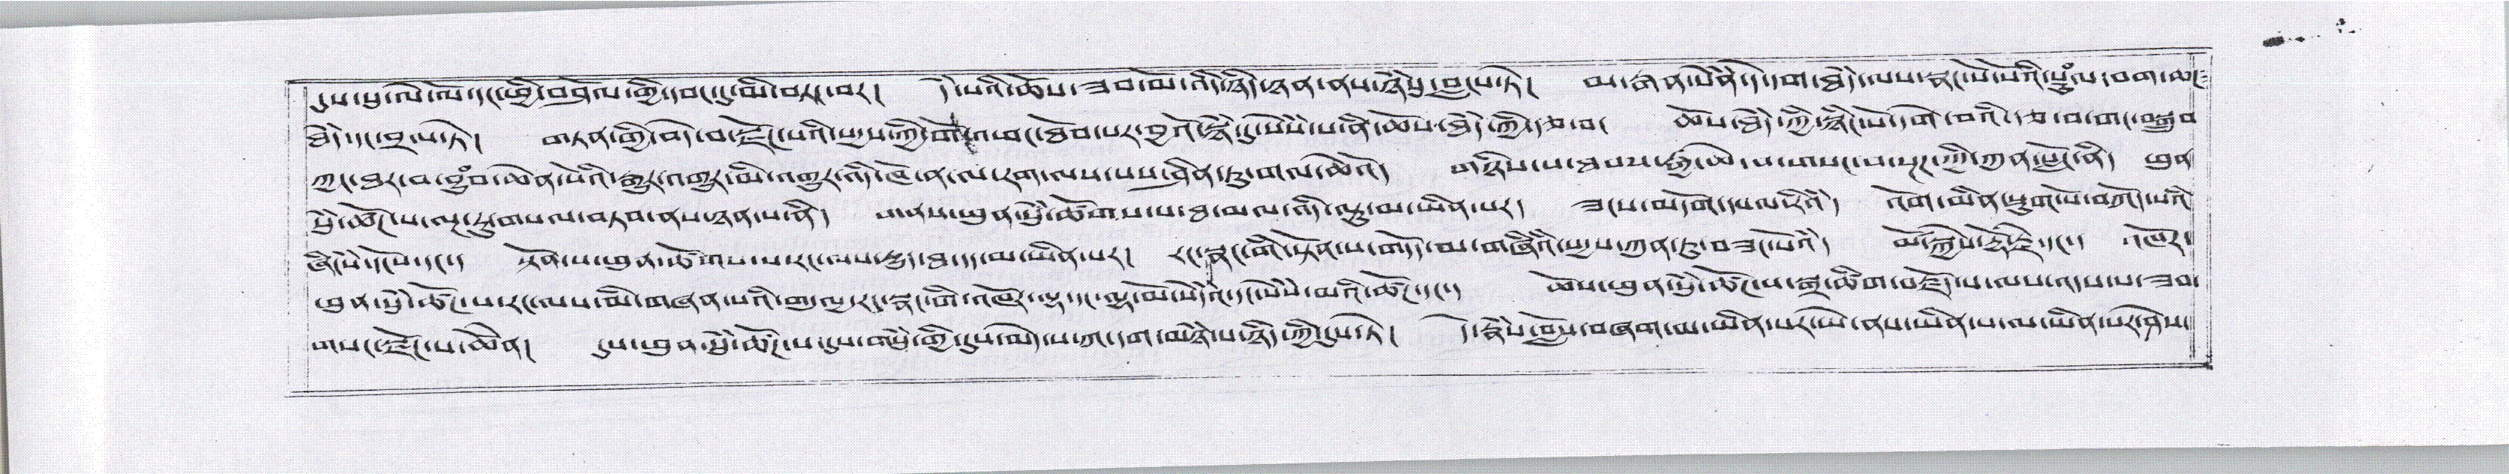དུས་སུ་ལེ་ལོ་དང་ཕྱི་བཤོལ་གྱི་དབང་དུ་མི་བཏང་བར། དམ་པའི་ཆོས་ཟབ་མོ་འདི་ཉིད་ཉན་ནས་ཉམས་སུ་བླངས་ཏེ། མ་རྒན་སེམས་ཅན་དེ་དག་ཐམས་ཅད་ལས་སྣང་སོ་སོའི་སྡུག་བསྔལ་བག་ཆགས་
ཐམས་ཅད་དང་བྲལ་ཏེ། གཏན་གྱི་བདེ་བ་རྫོགས་པའི་སངས་རྒྱས་ཀྱི་གོ་འཕང་ཐོབ་པར་བྱའོ་སྙམ་དུ་སེམས་པ་ནི་ཆོས་ཐམས་ཅད་ཀྱི་རྩ་བ། ཆོས་ཐམས་ཅད་ཀྱི་སྙིང་པོ་དགེ་བའི་རྩ་བ་གང་བསྒྲུབ་
ཀྱང་ཐར་པ་བྱང་ཆུབ་ཆེན་པོའི་རྒྱུར་འགྱུར་མི་འགྱུར་འདི་ཁོ་ན་ལ་རག་ལས་པས་ཤིན་ཏུ་གལ་ཆེའོ། གཉིས་པ་ཐབས་རྒྱ་ཆེ་བ་གསང་བ་སྔགས་ཀྱི་ཀུན་སློང་ནི། ཕུན་
སུམ་ཚོགས་པ་ལྔ་རུ་གསལ་བཏབ་ནས་ཉན་པ་ནི། གནས་ཕུན་སུམ་ཚོགས་པ་ཐ་མལ་འདི་ལྟ་བུ་མ་ཡིན་པར། ཟངས་མདོག་དཔལ་རི་འམ། འོག་མིན་སྟུག་པོ་བཀོད་པའི་
ཞིང་ཁམས་དངོས་དང་། སྟོན་པ་ཕུན་སུམ་ཚོགས་པ་རང་ལས་རྒྱུད་ཐ་དད་པ་མ་ཡིན་པར། རང་སྣང་གི་སྟོན་པ་གདོད་མ་གཞིའི་སངས་རྒྱས་ཀུན་ཏུ་བཟང་པོའམ། མཚོ་སྐྱེས་རྡོ་རྗེ་དང་། འཁོར་
ཕུན་སུམ་ཚོགས་པ་རང་ལས་མི་གཞན་པའི་གདུལ་བྱ་རང་སྣང་གི་འཁོར་ལྷ་དང་ལྷ་མོ་སེམས་དཔའ་དང་སེམས་མའི་ཚོགས་དང་། ཆོས་ཕུན་སུམ་ཚོགས་པ་སྒྲ་ཚིག་བརྗོད་པ་ལས་འདས་པ་ཟབ་
གསང་རྫོགས་པ་ཆེན་པོ། དུས་ཕུན་སུམ་ཚོགས་པ་དུས་གསུམ་གྱི་དུས་མེད་པ་ཀ་དག་མཉམ་པ་ཉིད་ཀྱི་དུས་ཏེ། དེ་རྣམས་བློས་བཞག་མ་ཡིན་པར་ཡེ་ནས་ཡིན་པ་ལ་ཡིན་པར་ཤེས་